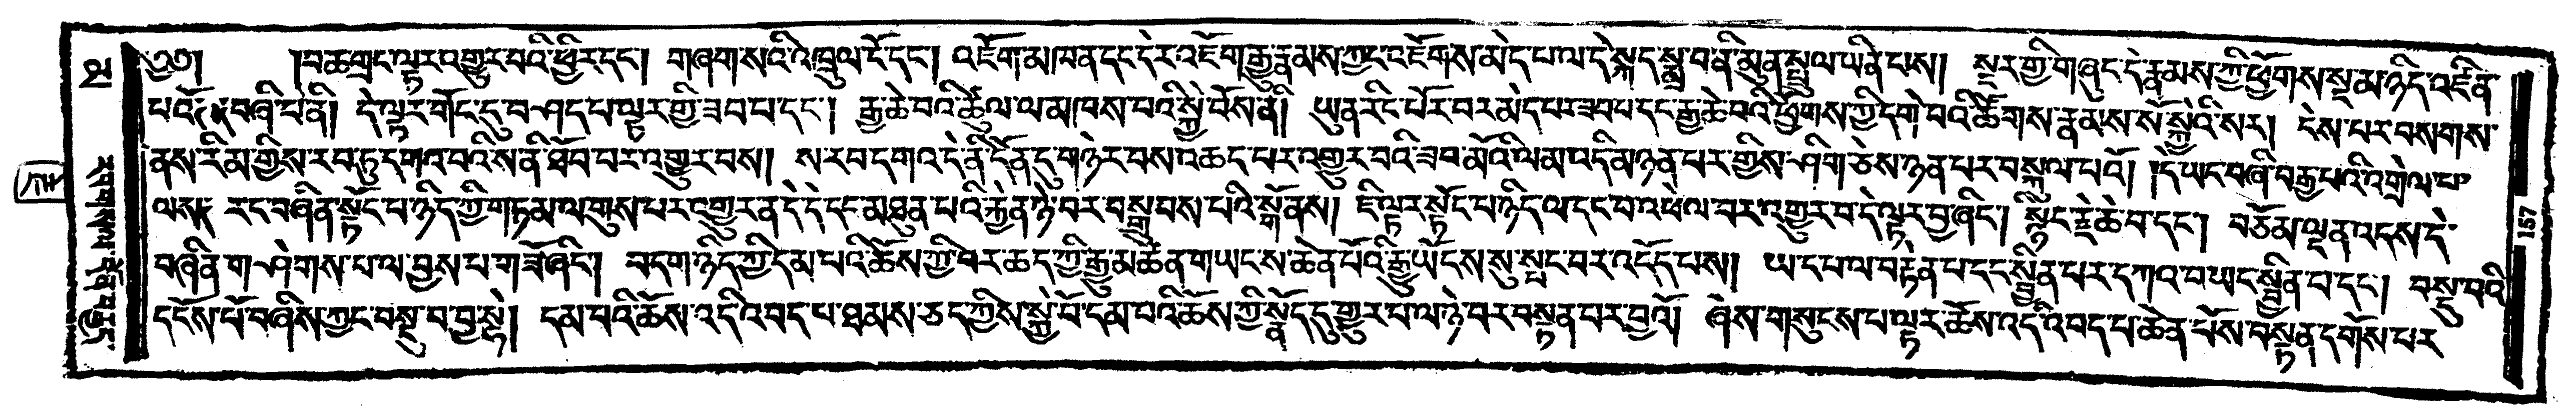༄༅། །བ་ཚ་གྲང་ལྟར་འགྱུར་བའི་ཕྱིར་དང་། གཞག་སའི་འཁྲུལ་ངོ་དང་། འཇོག་མཁན་དང་དེར་འཇོག་རྒྱུ་རྣམས་ཀྱང་འཇོག་ས་མེད་པ་ལ་དེ་སྐད་སྨྲ་བ་ནི་མུན་སྤྲུལ་ཡིན་པས། སྔར་གྱི་གཞུང་དེ་རྣམས་ཀྱི་ཕྱོགས་སྔ་མ་ཉིད་འཛིན་
པའོ༑ ༑བཞི་པ་ནི། དེ་ལྟར་གོང་དུ་བཤད་པ་ལྟར་གྱི་ཟབ་པ་དང་། རྒྱ་ཆེ་བའི་ཚུལ་ལ་མཁས་པའི་སྐྱེ་བོས་ནི། ཡུན་རིང་པོར་བར་མེད་པར་ཟབ་པ་དང་རྒྱ་ཆེ་བའི་ཕྱོགས་ཀྱི་དགེ་བའི་ཚོགས་རྣམས་སོ་སྐྱེའི་སར། ངེས་པར་བསགས་
ནས་རིམ་གྱིས་རབ་ཏུ་དགའ་བའི་ས་ནི་ཐོབ་པར་འགྱུར་བས། ས་རབ་དགའ་དེ་ནི་དོན་དུ་གཉེར་བས་འཆད་པར་འགྱུར་བའི་ཟབ་མོའི་ལམ་འདི་མཉན་པར་གྱིས་ཤིག་ཅེས་ཉན་པར་བསྐུལ་པའོ། །དེ་ཡང་བཞི་བརྒྱ་པའི་འགྲེལ་པ་
ལས༑ རང་བཞིན་སྟོང་པ་ཉིད་ཀྱི་གཏམ་ལ་གུས་པར་འགྱུར་ན་དེ་དེ་དང་མཐུན་པའི་རྐྱེན་ཉེ་བར་བསྒྲུབས་པའི་སྒོ་ནས། ཇི་ལྟར་སྟོང་པ་ཉིད་ལ་དང་བ་འཕེལ་བར་འགྱུར་བ་དེ་ལྟར་བྱ་ཞིང་། སྙིང་རྗེ་ཆེ་བ་དང་། བཅོམ་ལྡན་འདས་དེ་
བཞིན་གཤེགས་པ་ལ་བྱས་པ་གཟོ་ཞིང་། བདག་ཉིད་ཀྱི་དམ་པའི་ཆོས་ཀྱི་བར་ཆད་ཀྱི་རྒྱུ་མཚན་གཡང་ས་ཆེན་པོའི་རྒྱུ་ཡོངས་སུ་སྤང་བར་འདོད་པས། ཡ་ང་བ་ལ་བརྟེན་པ་དང་སྦྱིན་པར་དཀའ་བ་ཡང་སྦྱིན་པ་དང་། བསྡུ་བའི་
དངོས་པོ་བཞིས་ཀྱང་བསྡུ་བ་བྱ་སྟེ། དམ་པའི་ཆོས་འདི་འབད་པ་ཐམས་ཅད་ཀྱིས་སྐྱེ་བོ་དམ་པའི་ཆོས་ཀྱི་སྣོད་དུ་གྱུར་པ་ལ་ཉེ་བར་བསྟན་པར་བྱའོ། ཞེས་གསུངས་པ་ལྟར་ཆོས་འདི་འབད་པ་ཆེན་པོས་བསྟན་དགོས་པར་